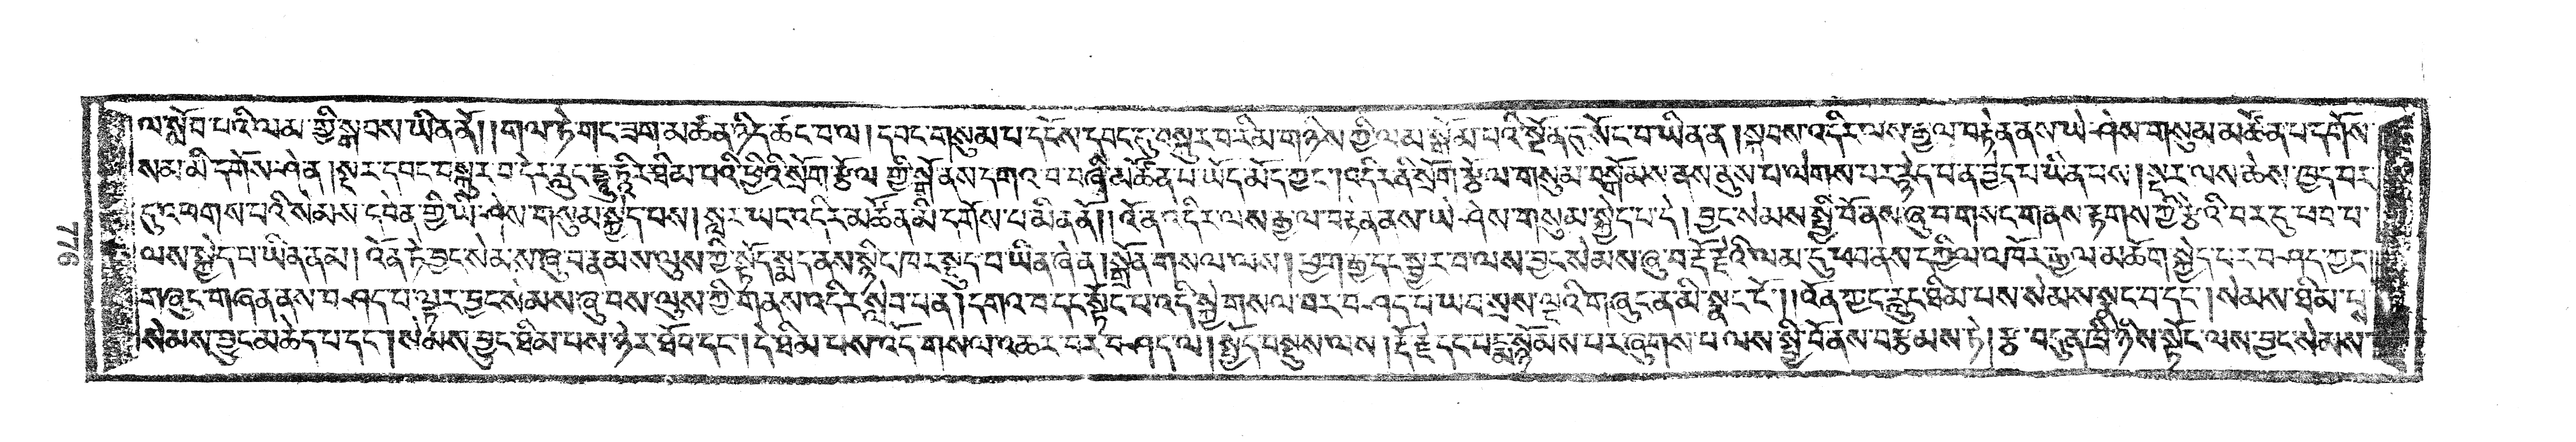ལ་སློབ་པའི་ལམ་གྱི་སྐབས་ཡིན་ནོ། །གལ་ཏེ་གང་ཟག་མཚན་ཉིད་ཚང་བ་ལ། དབང་གསུམ་པ་དངོས་དབང་དུ་བསྐུར་བ་རིམ་གཉིས་ཀྱི་ལམ་སྒོམ་པའི་སྔོན་དུ་སོང་བ་ཡིན་ན། སྐབས་འདིར་ལས་རྒྱ་ལ་བརྟེན་ནས་ཡེ་ཤེས་གསུམ་མཚོན་པ་དགོས་
སམ་མི་དགོས་ཤེ་ན། སྔར་དབང་བསྐུར་བ་དེར་རླུང་དྷཱུ་ཏཱིར་ཐིམ་པའི་ཕྱིའི་སྲོག་རྩོལ་གྱི་སྒོ་ནས་དགའ་བ་བཞི་མཚོན་པ་ཡོད་མོད་ཀྱང་། འདིར་ནི་སྲོག་རྩོལ་གསུམ་བསྒོམས་ནས་ནུས་པ་ལེགས་པར་རྙེད་པ་ན་བྱེད་པ་ཡིན་པས། སྔར་ལས་ཆེས་ཁྱད་པར་
དུ་འཕགས་པའི་སེམས་དབེན་གྱི་ཡེ་ཤེས་གསུམ་སྐྱེད་པས། སླར་ཡང་འདིར་མཚོན་མི་དགོས་པ་མིན་ནོ། །འོ་ན་འདིར་ལས་རྒྱ་ལ་བརྟེན་ནས་ཡེ་ཤེས་གསུམ་སྐྱེད་པ་དེ། བྱང་སེམས་སྤྱི་བོ་ནས་ཞུ་བ་གསང་གནས་རྟགས་ཀྱི་རྩེའི་བར་དུ་ཕབ་པ་
ལས་སྐྱེད་པ་ཡིན་ནམ། འོན་ཏེ་བྱང་སེམས་ཞུ་བ་རྣམས་ལུས་ཀྱི་སྟོད་སྨད་ནས་སྙིང་ཁར་སྡུད་པ་ཡིན་ཞེ་ན། སྒྲོན་གསལ་ལས། ཕྱག་རྒྱ་དང་སྦྱར་བ་ལས་བྱང་སེམས་ཞུ་བ་རྡོ་རྗེའི་ལམ་དུ་ཕབ་ནས་དཀྱིལ་འཁོར་རྒྱལ་མཆོག་སྐྱེད་པར་བཤད་ཀྱང་། །
གཞུང་གཞན་ནས་བཤད་པ་ལྟར་བྱང་སེམས་ཞུ་བས་ལུས་ཀྱི་གནས་འདིར་སླེབ་པ་ན། དགའ་བ་དང་སྟོང་པ་འདི་སྐྱེ་གསལ་བར་བཤད་པ་ཡབ་སྲས་ལྔའི་གཞུང་ན་མི་སྣང་ངོ། །འོན་ཀྱང་རླུང་ཐིམ་པས་སེམས་སྣང་བ་དང་། སེམས་ཐིམ་པས་
སེམས་བྱུང་མཆེད་བ་དང་། སེམས་བྱུང་ཐིམ་པས་ཉེར་ཐོབ་དང་། དེ་ཐིམ་པས་འོད་གསལ་འཆར་བར་བཤད་ལ། སྤྱོད་བསྡུས་ལས། རྡོ་རྗེ་དང་པདམ་སྙོམས་པར་ཞུགས་པ་ལས་སྤྱི་བོ་ནས་བརྩམས་ཏེ། རྩ་བདུན་ཁྲི་ཉིས་སྟོང་ལས་བྱང་སེམས་